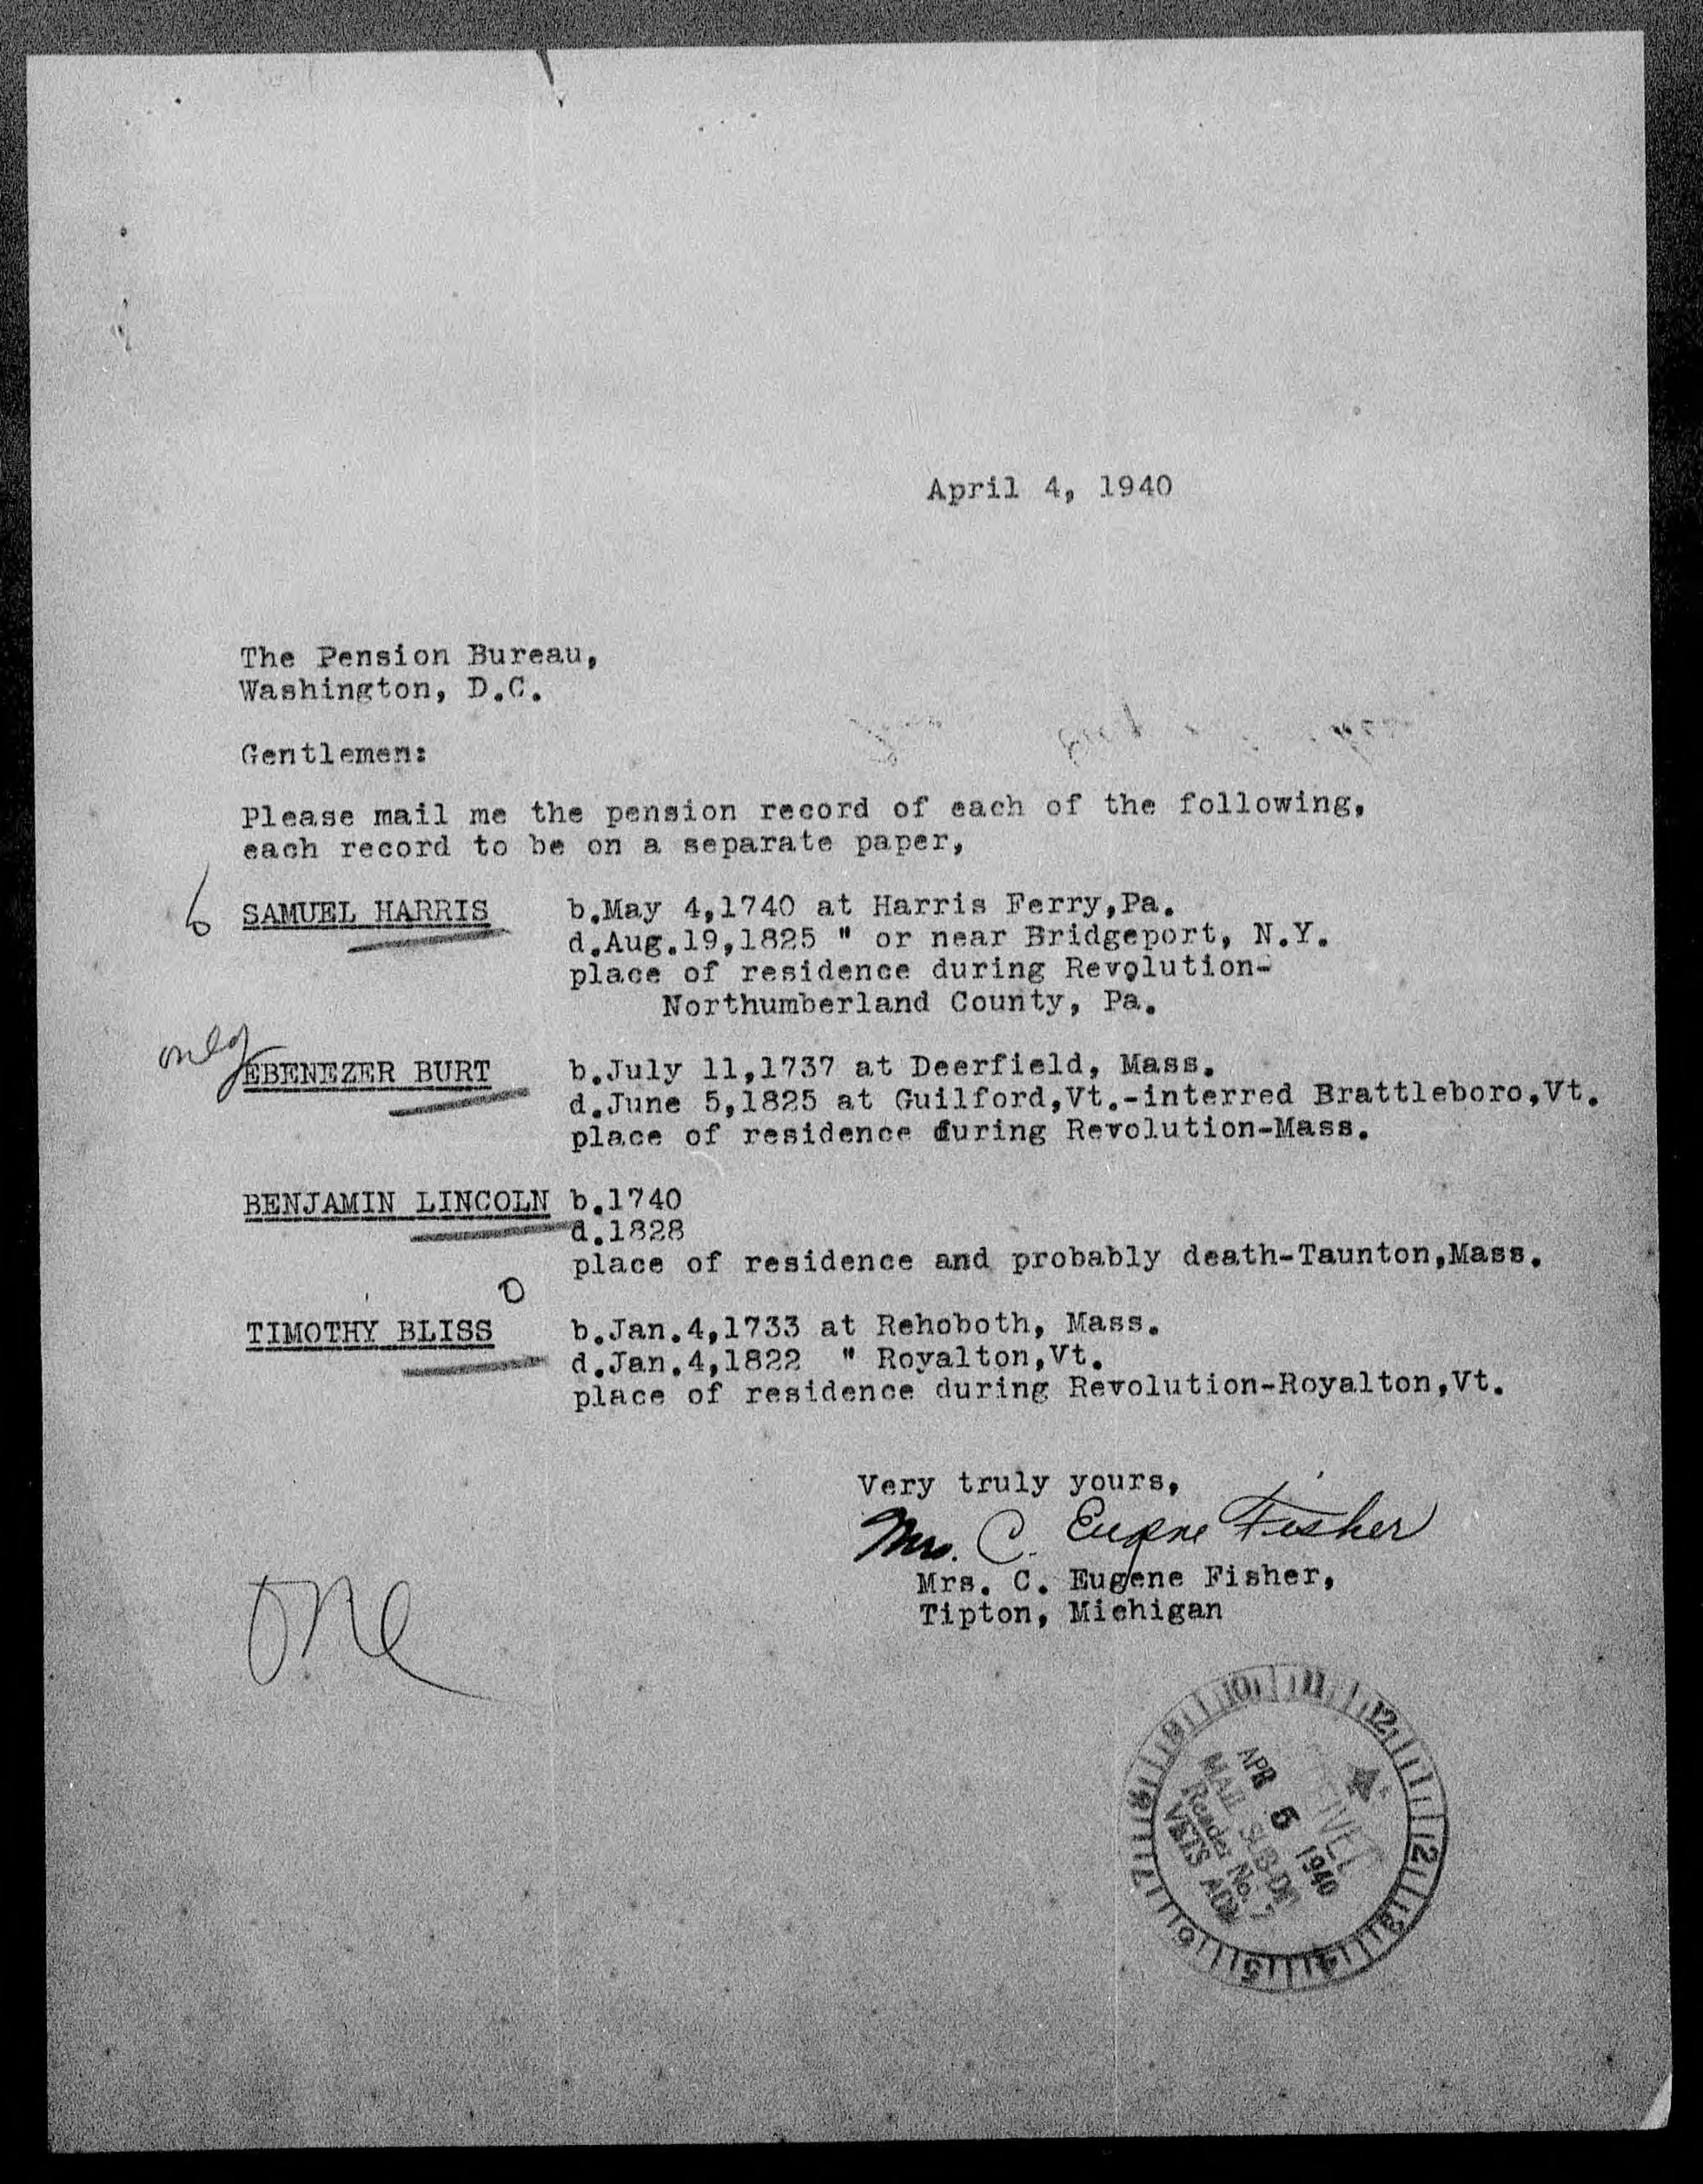April 4, 1940

The Pension Bureau,
Washington, D.C.

Gentlemen:

Please mail me the pension record of each of the following, each record to be on a separate paper,

SAMUEL HARRIS b. May 4,1740 at Harris Ferry, Pa.  d. Aug. 19, 1825 " (at) or near Bridgeport, N. Y. place of residence during Revolution-
Northumberland County, Pa.

only BENEZER BURT b. July 11,1737 at Deerfield, Mass. d. June 5, 1825 at Guilford, Vt. - interred Brattleboro, Vt. place of residence during Revolution-Mass.

BENJAMIN LINCOLN b. 1740 d. 1828
place of residence and probably death - Taunton, Mass.

TIMOTHY BLISS . Jan. 4, 1733 at Rehoboth, Mass. d. Jan. 4, 1822 " (at) Royalton, Vt. place of residence during Revolution-Royalton, Vt.

Very truly yours,
Mrs. C. Eugene Fisher
Mrs. C. Eugene Fisher,
Tipton, Michigan

one

(Circular stamp:)
RECEIVED
APR 5 1940
MAIL SUB-DIV
Reader No. 7
VETS ADM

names: Timothy Bliss, Benjamin Lincoln, C Eugene Fisher, Ebenezer Burt, C Eugene Fisher, Samuel Harris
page: 13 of 17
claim: widow's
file: W. 20809, Ebenezer Burt, Mass.